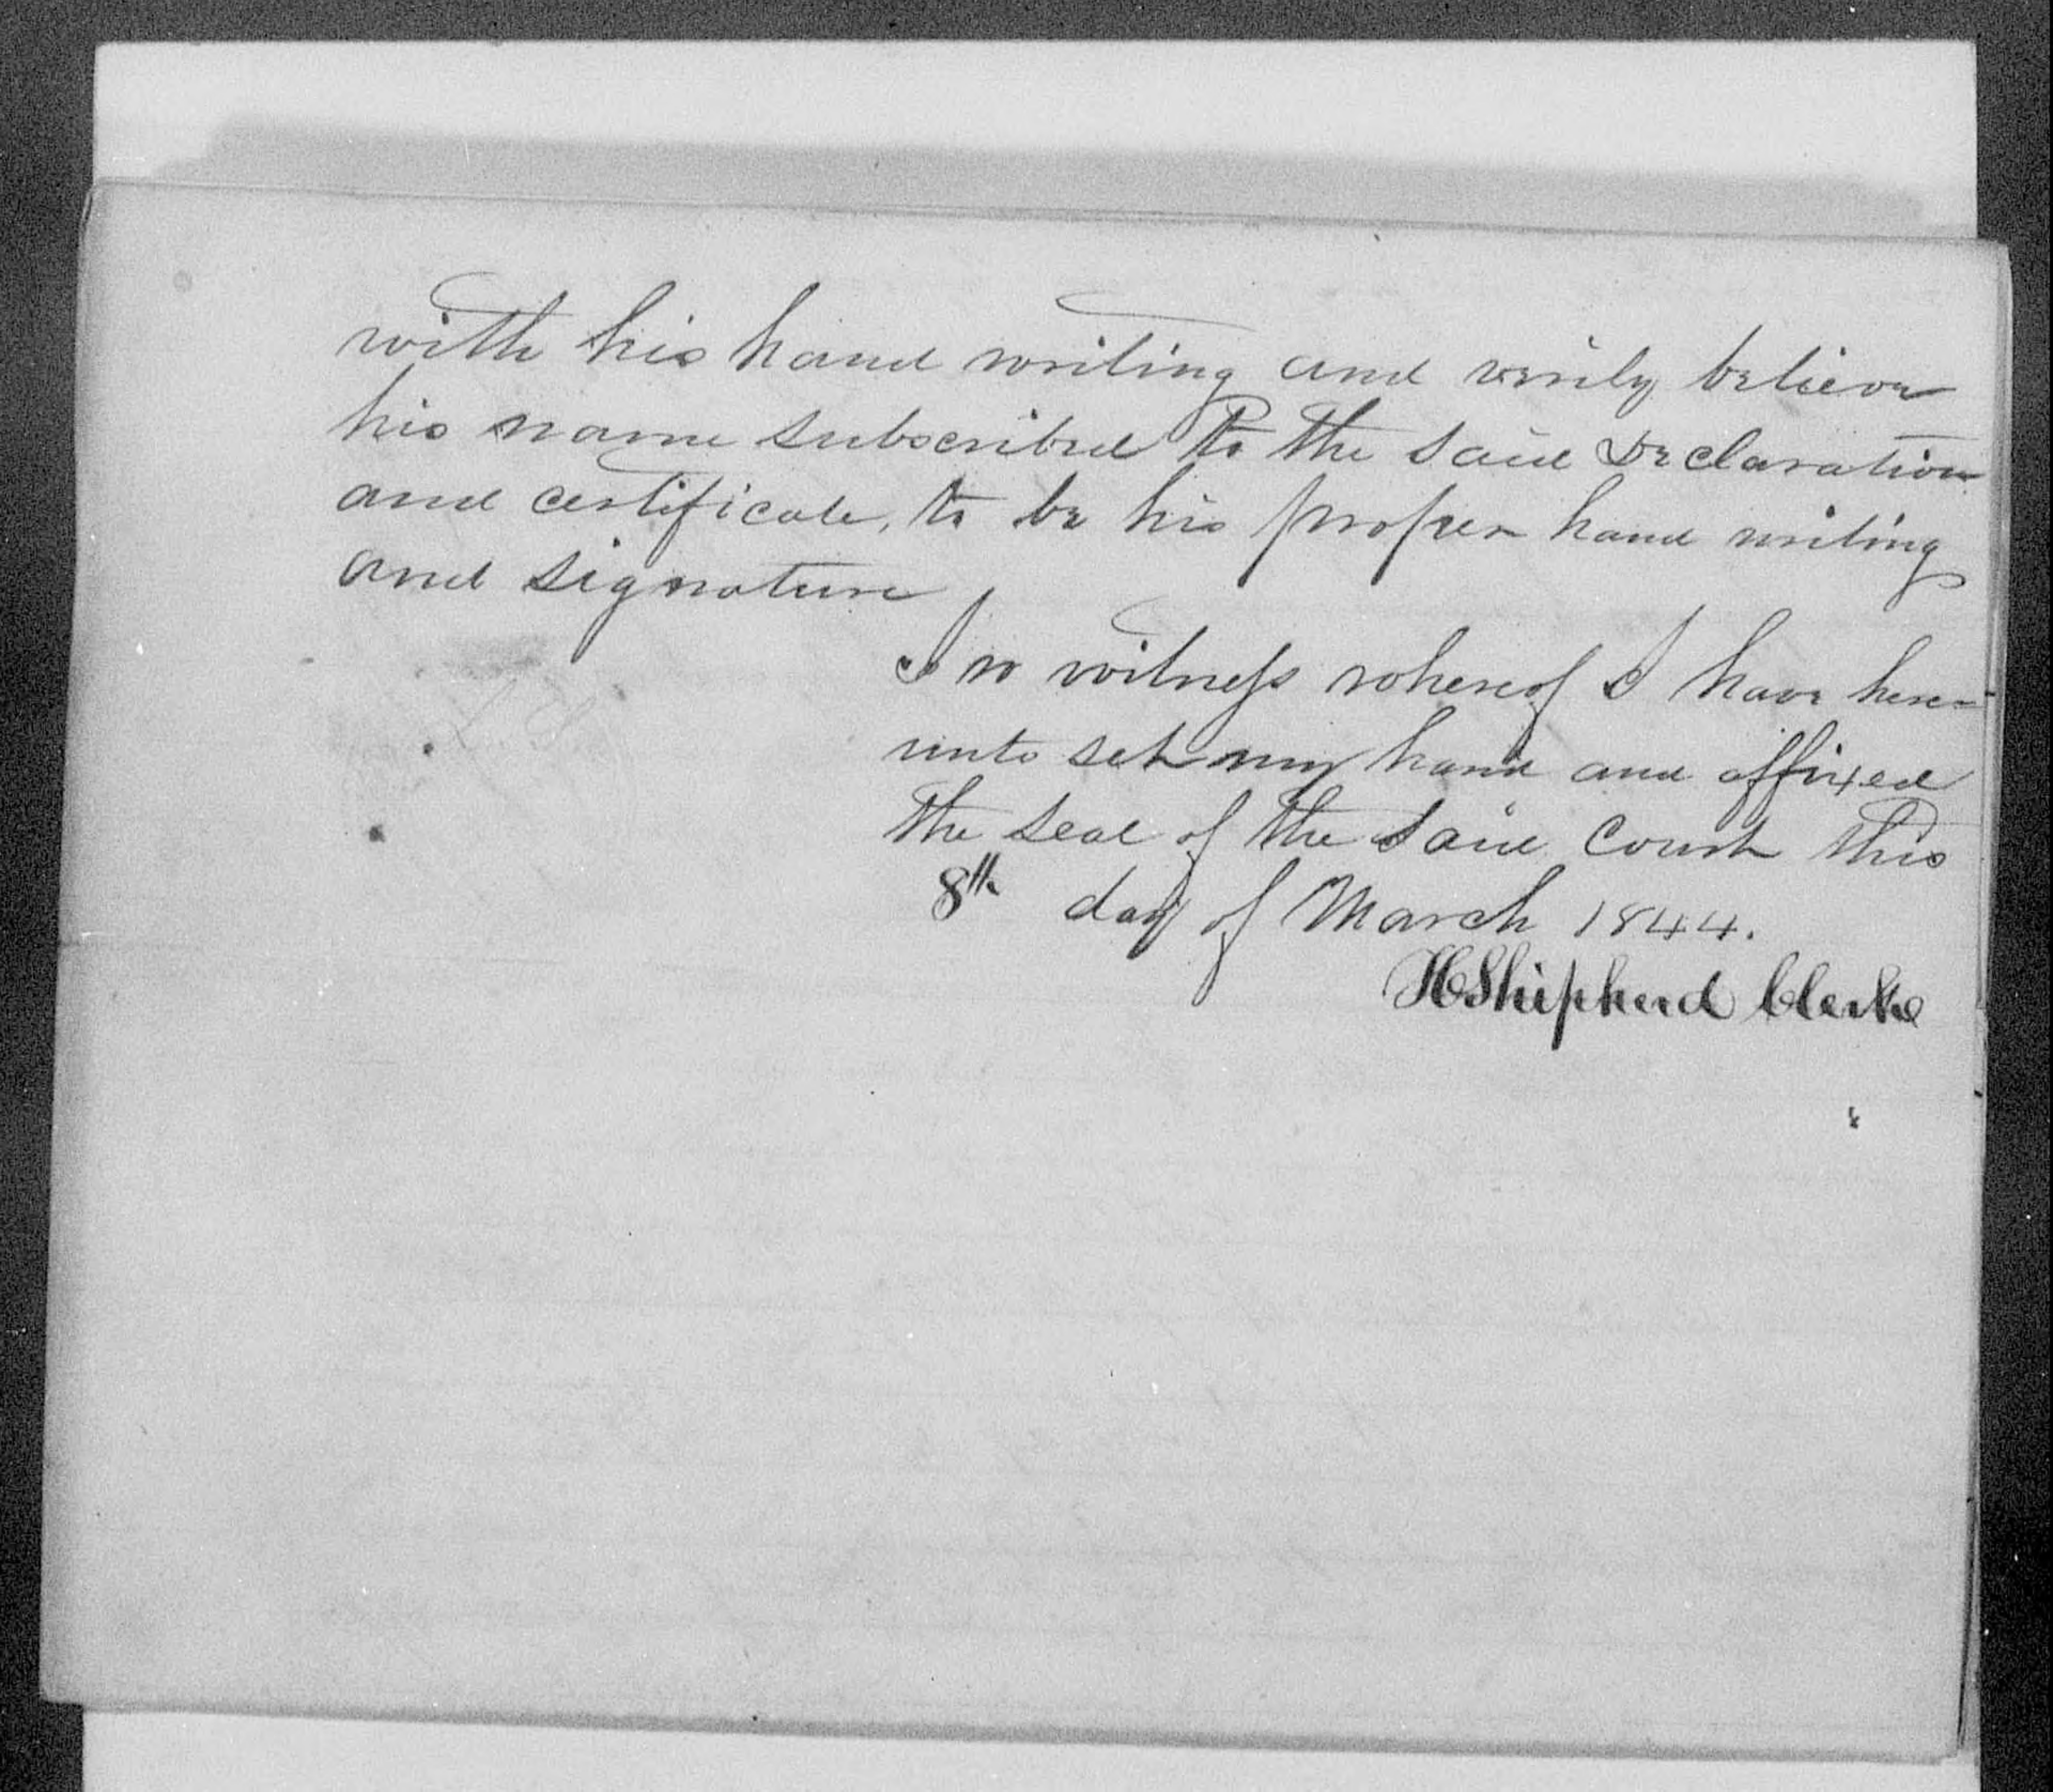with his hand writing and verily believe his name subscribed to the said Declaration and certificate, to be his proper hand writing and signature

In witness whereof I have hereunto set my hand and affixed the seal of the said Court this 8th day of March 1844.

H Shipherd Clerk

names: H Shipherd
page: 7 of 51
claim: widow's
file: W. 19,026, Israel Harrington, R.I.